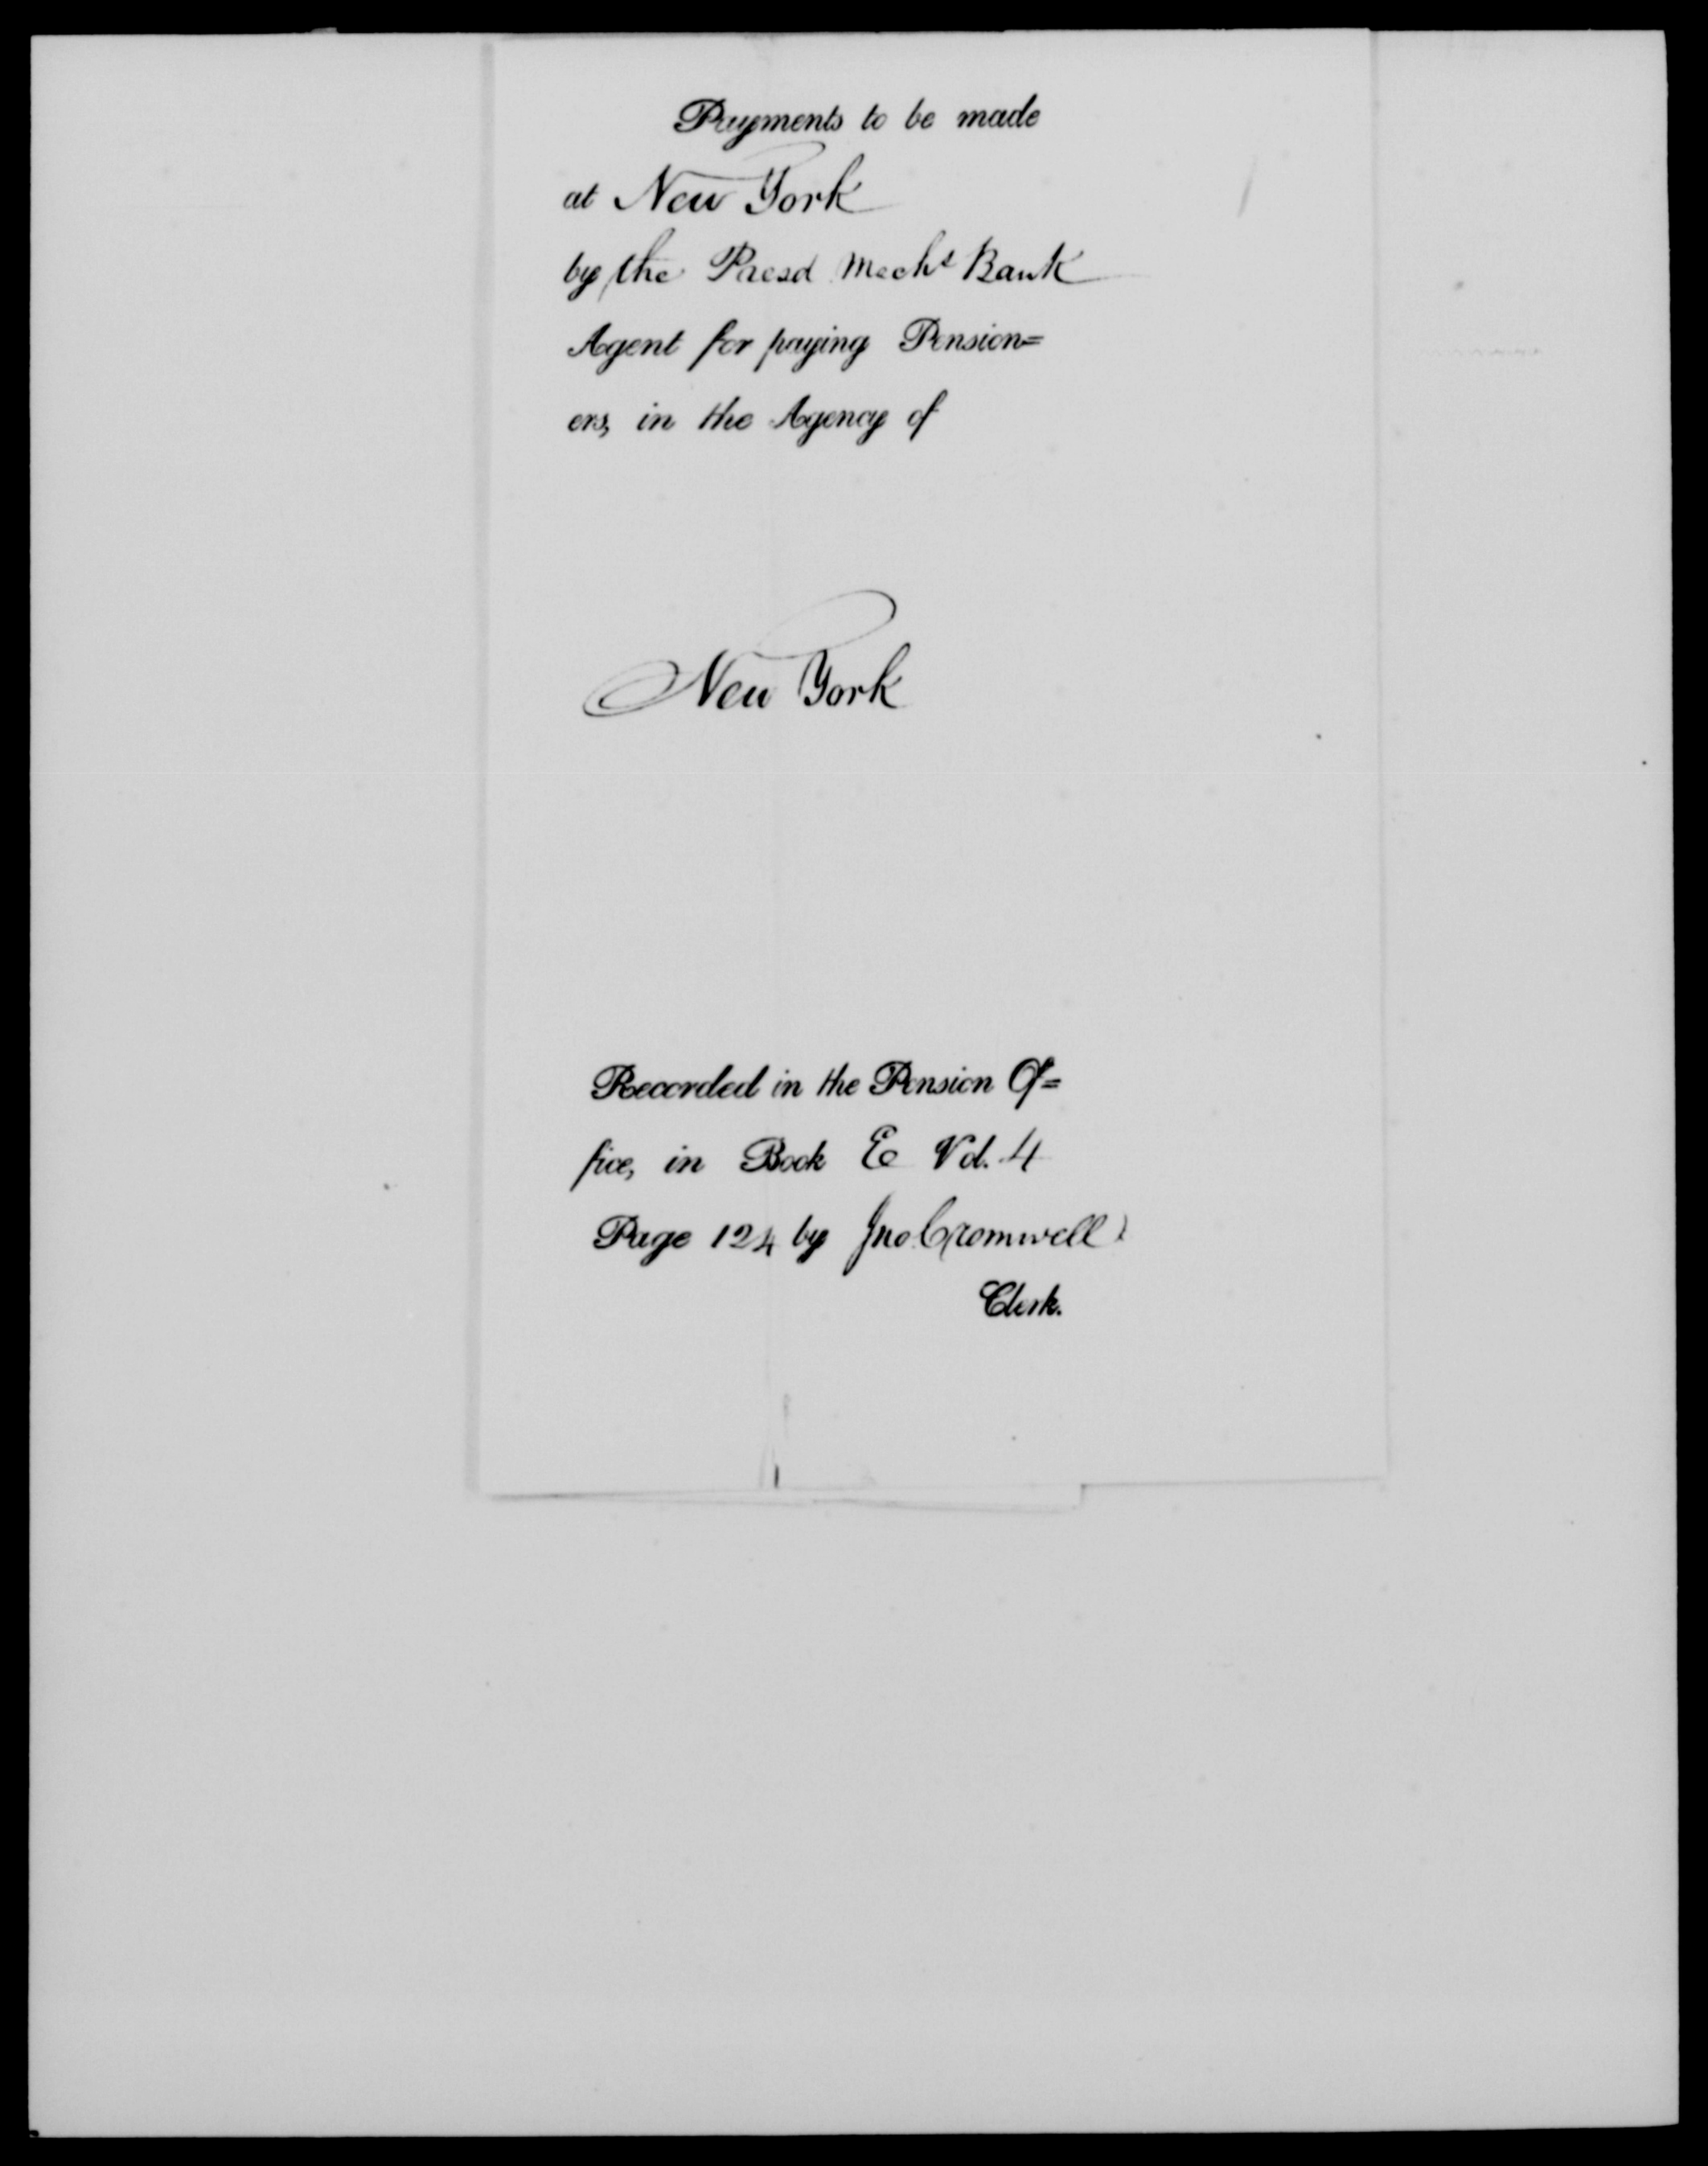Payments to be made at New York by the Pres’t Mechs Bank Agent for paying Pensioners in the Agency of New York 
Recorded in the Pension in Book E Vol 4 Page 124 by Jno Cromwell Clerk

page: 14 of 36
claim: survivor's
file: S. 10,004, for Seely Scofield, Connecticut